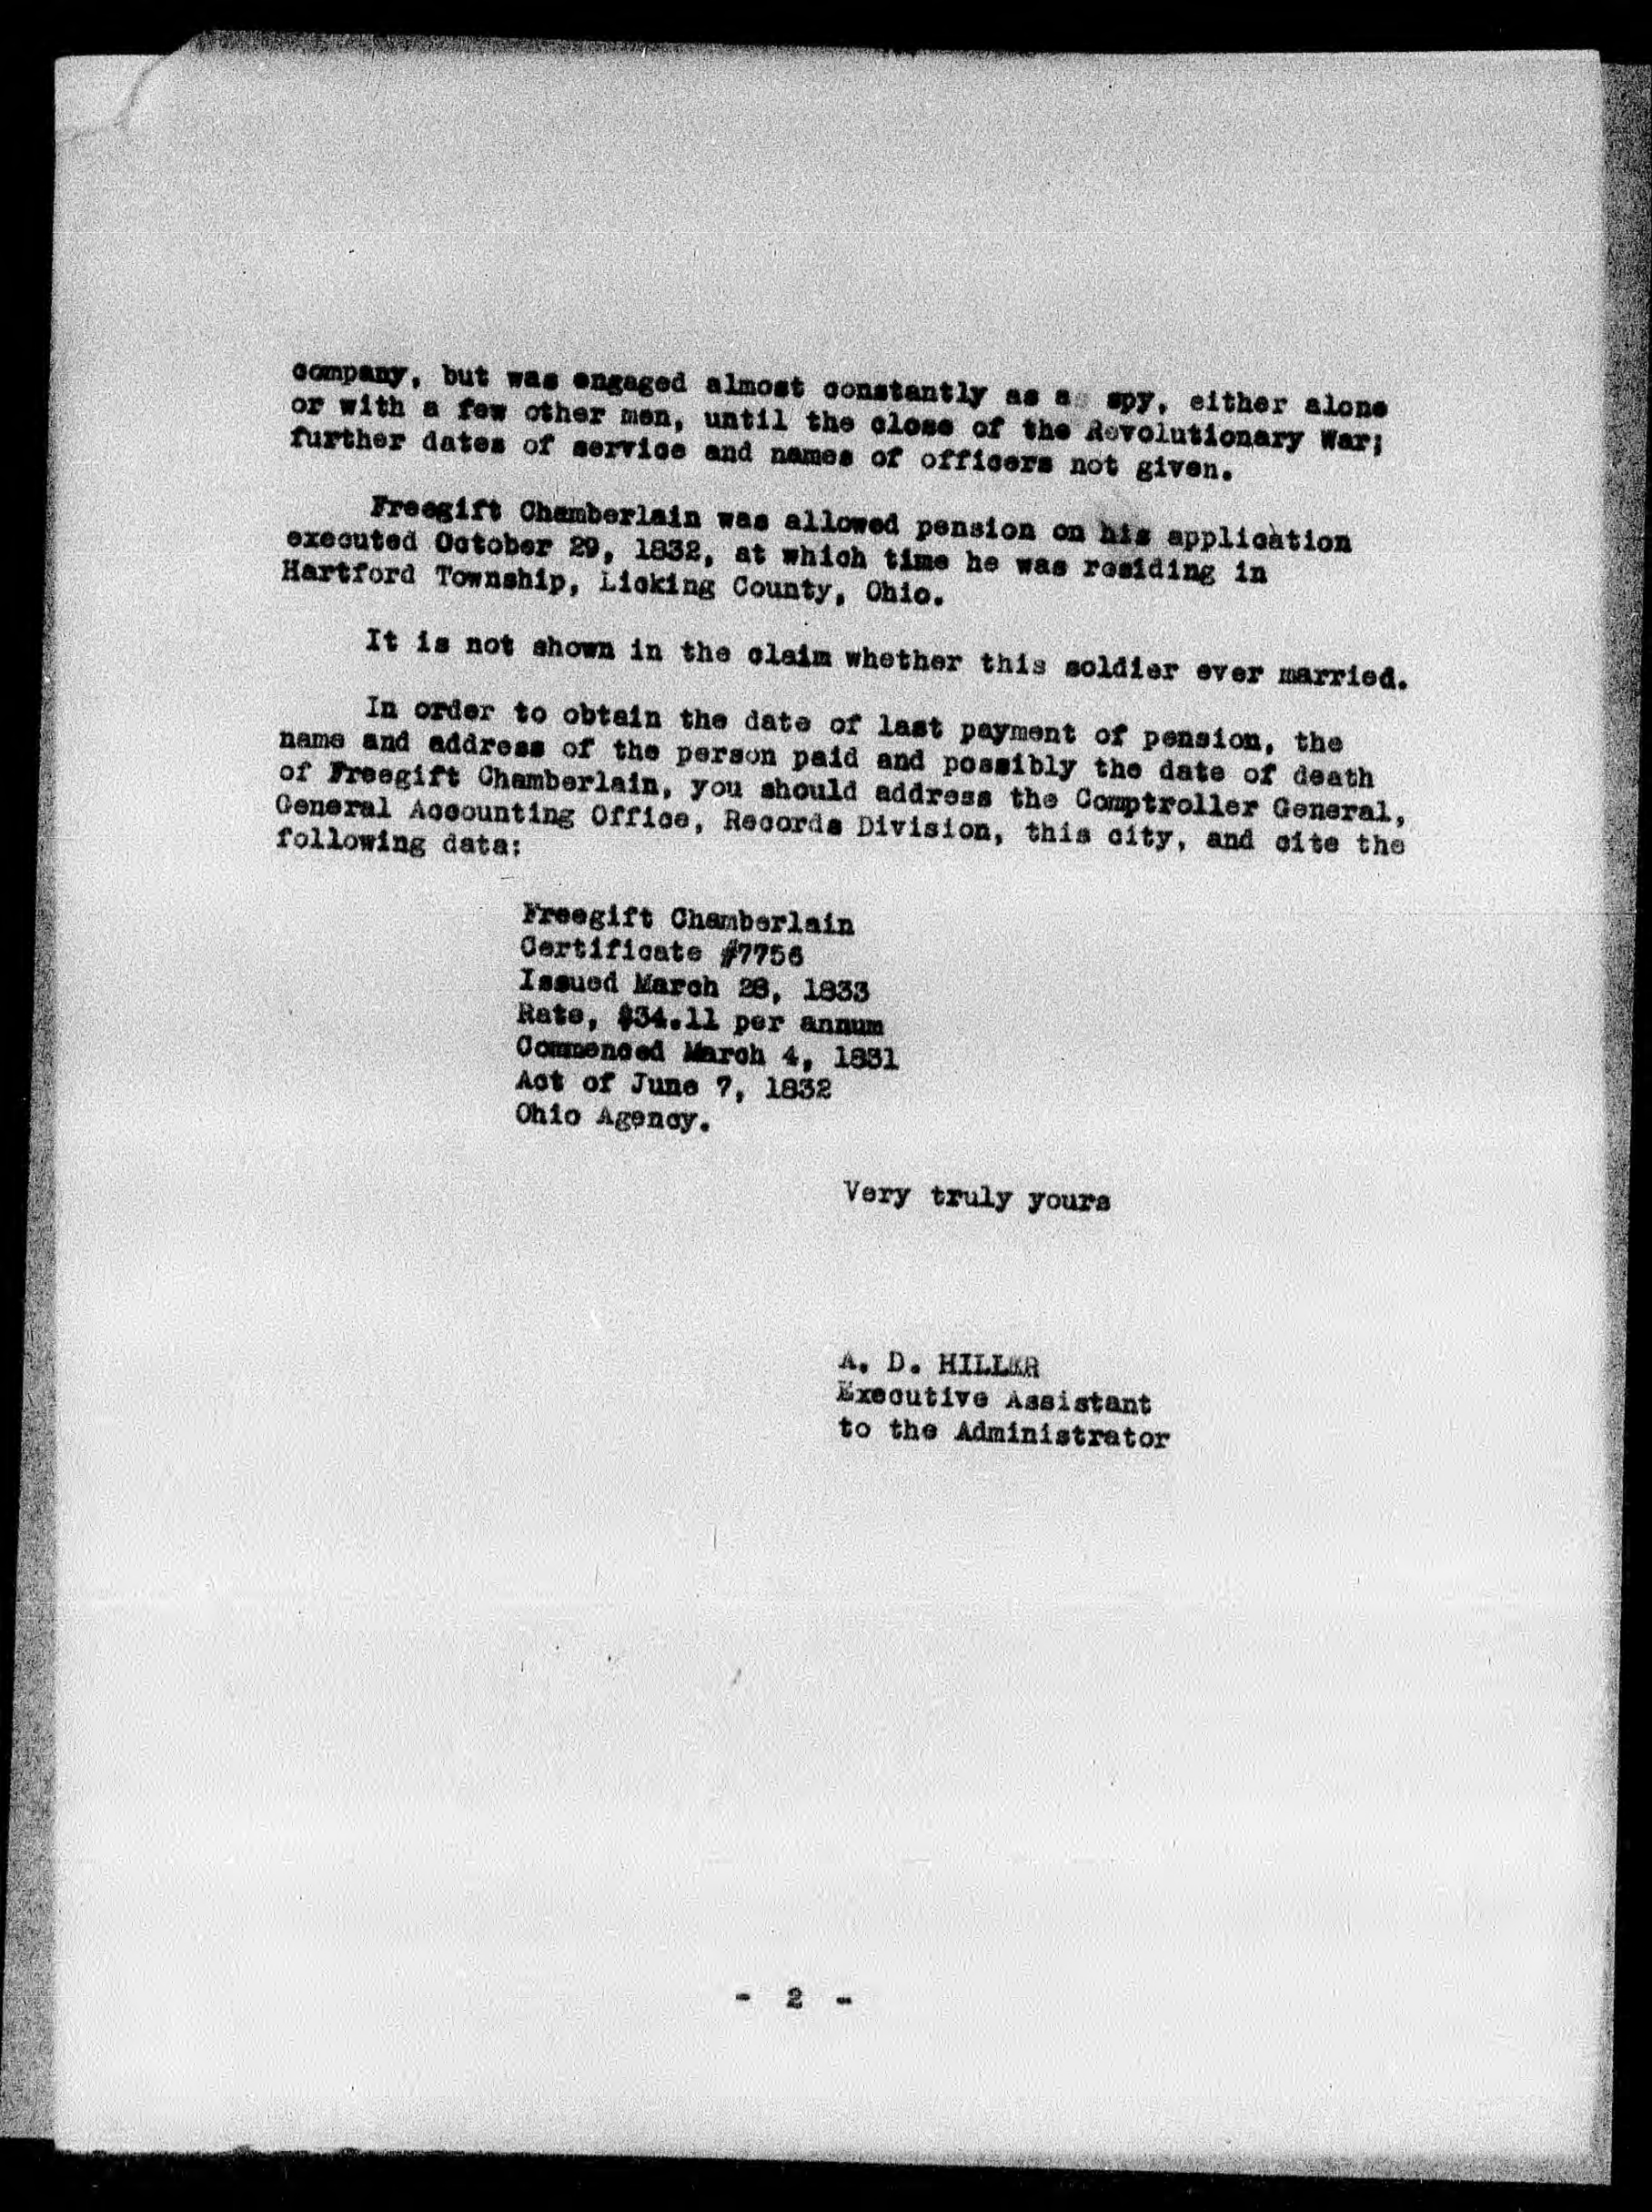company, but was engaged almost constantly as a spy, either alone or with a few other men, until the close of the Revolutionary War; further dates of service and names of officers not given.    
Freegift Chamberlain was allowed pension on his application executed October 29, 1832, at which time he was residing in Hartford Township, Licking County, Ohio. 
It is not shown in the claim whether this soldier ever married.    
In order to obtain the date of last payment of pension, the name and address of the person paid and possibly the date of death of Freegift Chamberlain, you should address the Comptroller General, General Accounting Office, Records Division, this city, and cite the following data: Freegift Chamberlain 
Certificate #7755   
Issued March 28, 1833    
Rate, $34.11 per annum   
Commenced March 4, 1831 
Act of June 7, 1832 
Ohio Agency. 
Very truly yours A. D. HILLER Executive 
Assistant to the Administrator 
2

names: Freegift Chamberlain, Freegift Chamberlain, A D Hiller, Freegift Chamberlain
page: 11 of 18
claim: survivor's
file: S. 3151, Freegift Chamberlain, Penn.